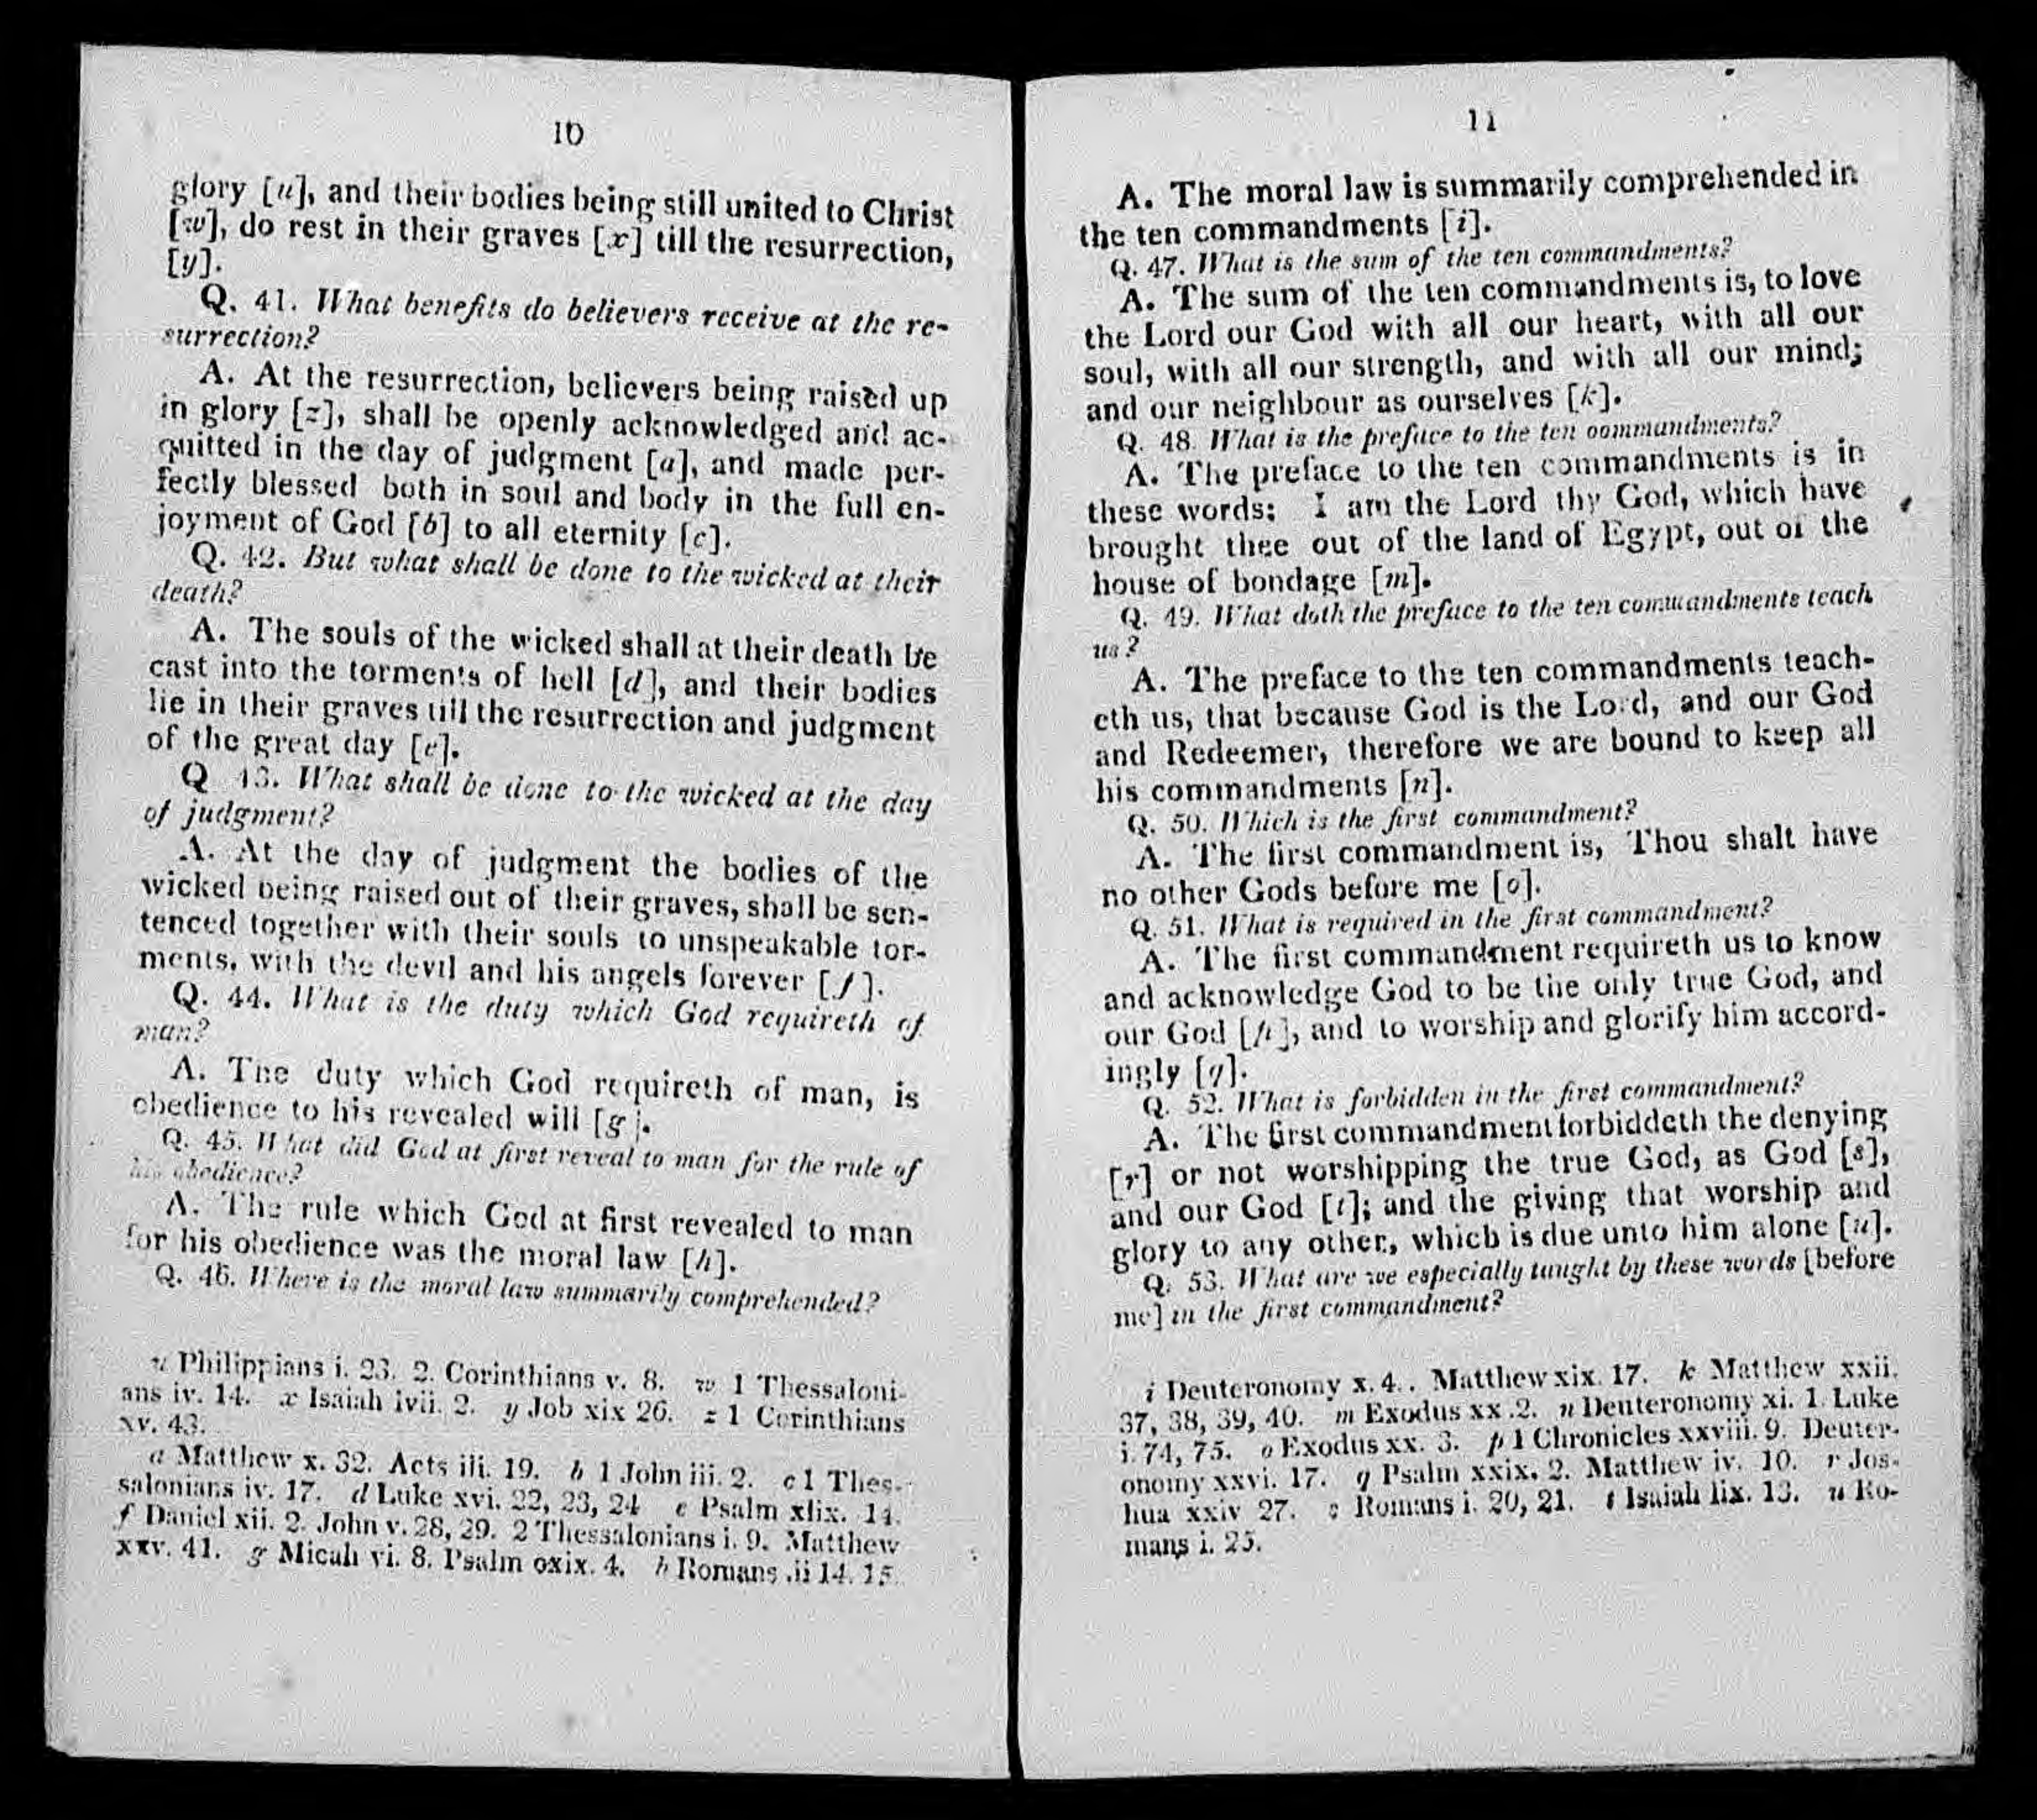10
glory [u] and their bodies being still united to Christ
[w], do rest in their graves [x] till the resurrection,[y].

Q. 41. What benefits to believer receive at the
surrection?
A. At the resurrection, believers being raised up
in glory [z],  shall be openly acknowledged and acquitted
in the day of judgment [a], and made perfectly
blessed both in soul and body in the full enjoyment
of God [b] to all eternity [c].

Q. 42. But what shall be done to the ticked at their
death?
A. The souls of the wicked shall at their death be
cast into the torments of hell [d], and their bodies
lie in their graves till the resurrection and judgment
of the great day [e].

Q. 43. What shall be done to the wicked at the day
of judgment?
A. At the day of judgment the bodies of the
wicked being raised out of their graves, shall be 
sentenced together with their souls to unspeakable 
torments, with the devil and his angels forever [f].

Q. 44. What is the duty which God require of man?
A. The duty which God requireth of man, is
obedience to his revealed will [g].

Q. 45. What did God ay first reveal to man for the rule of 
obedience?
A. The rule which God at first revealed to man
for his obedience was the moral law [h].

Q. 46. Where is the moral law  summarily comprehended?

 u Philippians i. 23.   2. Corinthians v. 8.   w 1 Thessalonians
iv. 14.   x Isaiah vii. 2.   y Job xix 26.  z 1 Corinthians
xv. 43.

a Matthew x. 32.   Acts ili. 19.   b  1 John iii. 2.   c 1 Thes-
salonians iv. 17.   d Luke xvi. 22, 23, 24  e  Psalm xlix. 14.
f Daniel xii.  2. John v. 28, 29.   2 Thessalonians i. 9.   Matthew
xxv. 41.   g Micah vi. 8.   Psalm oxix. 4.   h Romans ii 14, 15.

11

A. The moral law is summarily comprehended in
the ten commandments [i]

Q.47. What is the sum of the ten commandments?
A. The sum of the ten commandments is, to love
the Lord our God with all our heart, with all our
soul, with all our strength, and with all our mind;
and our neighbour as ourselves [k].

Q. 48 What is the prefice to the ten commandments?
A. The preface to the ten commandments is in
these words: I am the Lord thy God, which have
brought thee out of the land of Egypt, out of the
house of bondage [m].

Q. 49. What doth the preface to the ten commandments teach
us?
A. The preface to the ten commandments teach-
eth us, that because God is the Lord, and our God
and Redeemer, therefore we are bound to keep all
his commandments [n].

Q. 50. Which is the first commandment?
A. The first commandment is, Thou shall  have 
no other Gods before me [o].

Q. 51. What is required in the first commandment?
A. The first commandment requireth us to know
and acknowledge God to be the only true God, and
our God [p], and to worship and glorify him accordingly
[q].

Q. 52. What is forbidden in the first commandment?
A. The first commandment forbiddeth the denying [r]
or not worshipping the true God, as God [s],
and our God [t]; and the giving that worship and
glory to any other, which is due unto him alone [u].

Q. 53. What are we especial taught by these words [before
me] in the first commandment?

i Deuteronomy x 4.  Matthew xix. 17.   k Matthew xxii.
37, 38, 39, 40. i  m Exodus xx 2.  n  Deuteronomy xi.  1 Luke
i. 74, 75.   o Exodus xx. 3.   p 1 Chronicles xxviii. 9, Deuteronomy
xxvi. 17.   q Psalm xxix. 2.   Matthew iv 10.   r Joshua
xxiv 27.  s Romans i. 20, 21.  t Isaiah lix. 13.   u Romans
i. 25.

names: John, Job, Matthew, Isaiah, Luke, Luke, Daniel, Matthew, John, Matthew, Isaiah, Matthew, Micah, Matthew, Joshua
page: 66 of 98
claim: widow's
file: W. 8398, William Broadway, S.C.